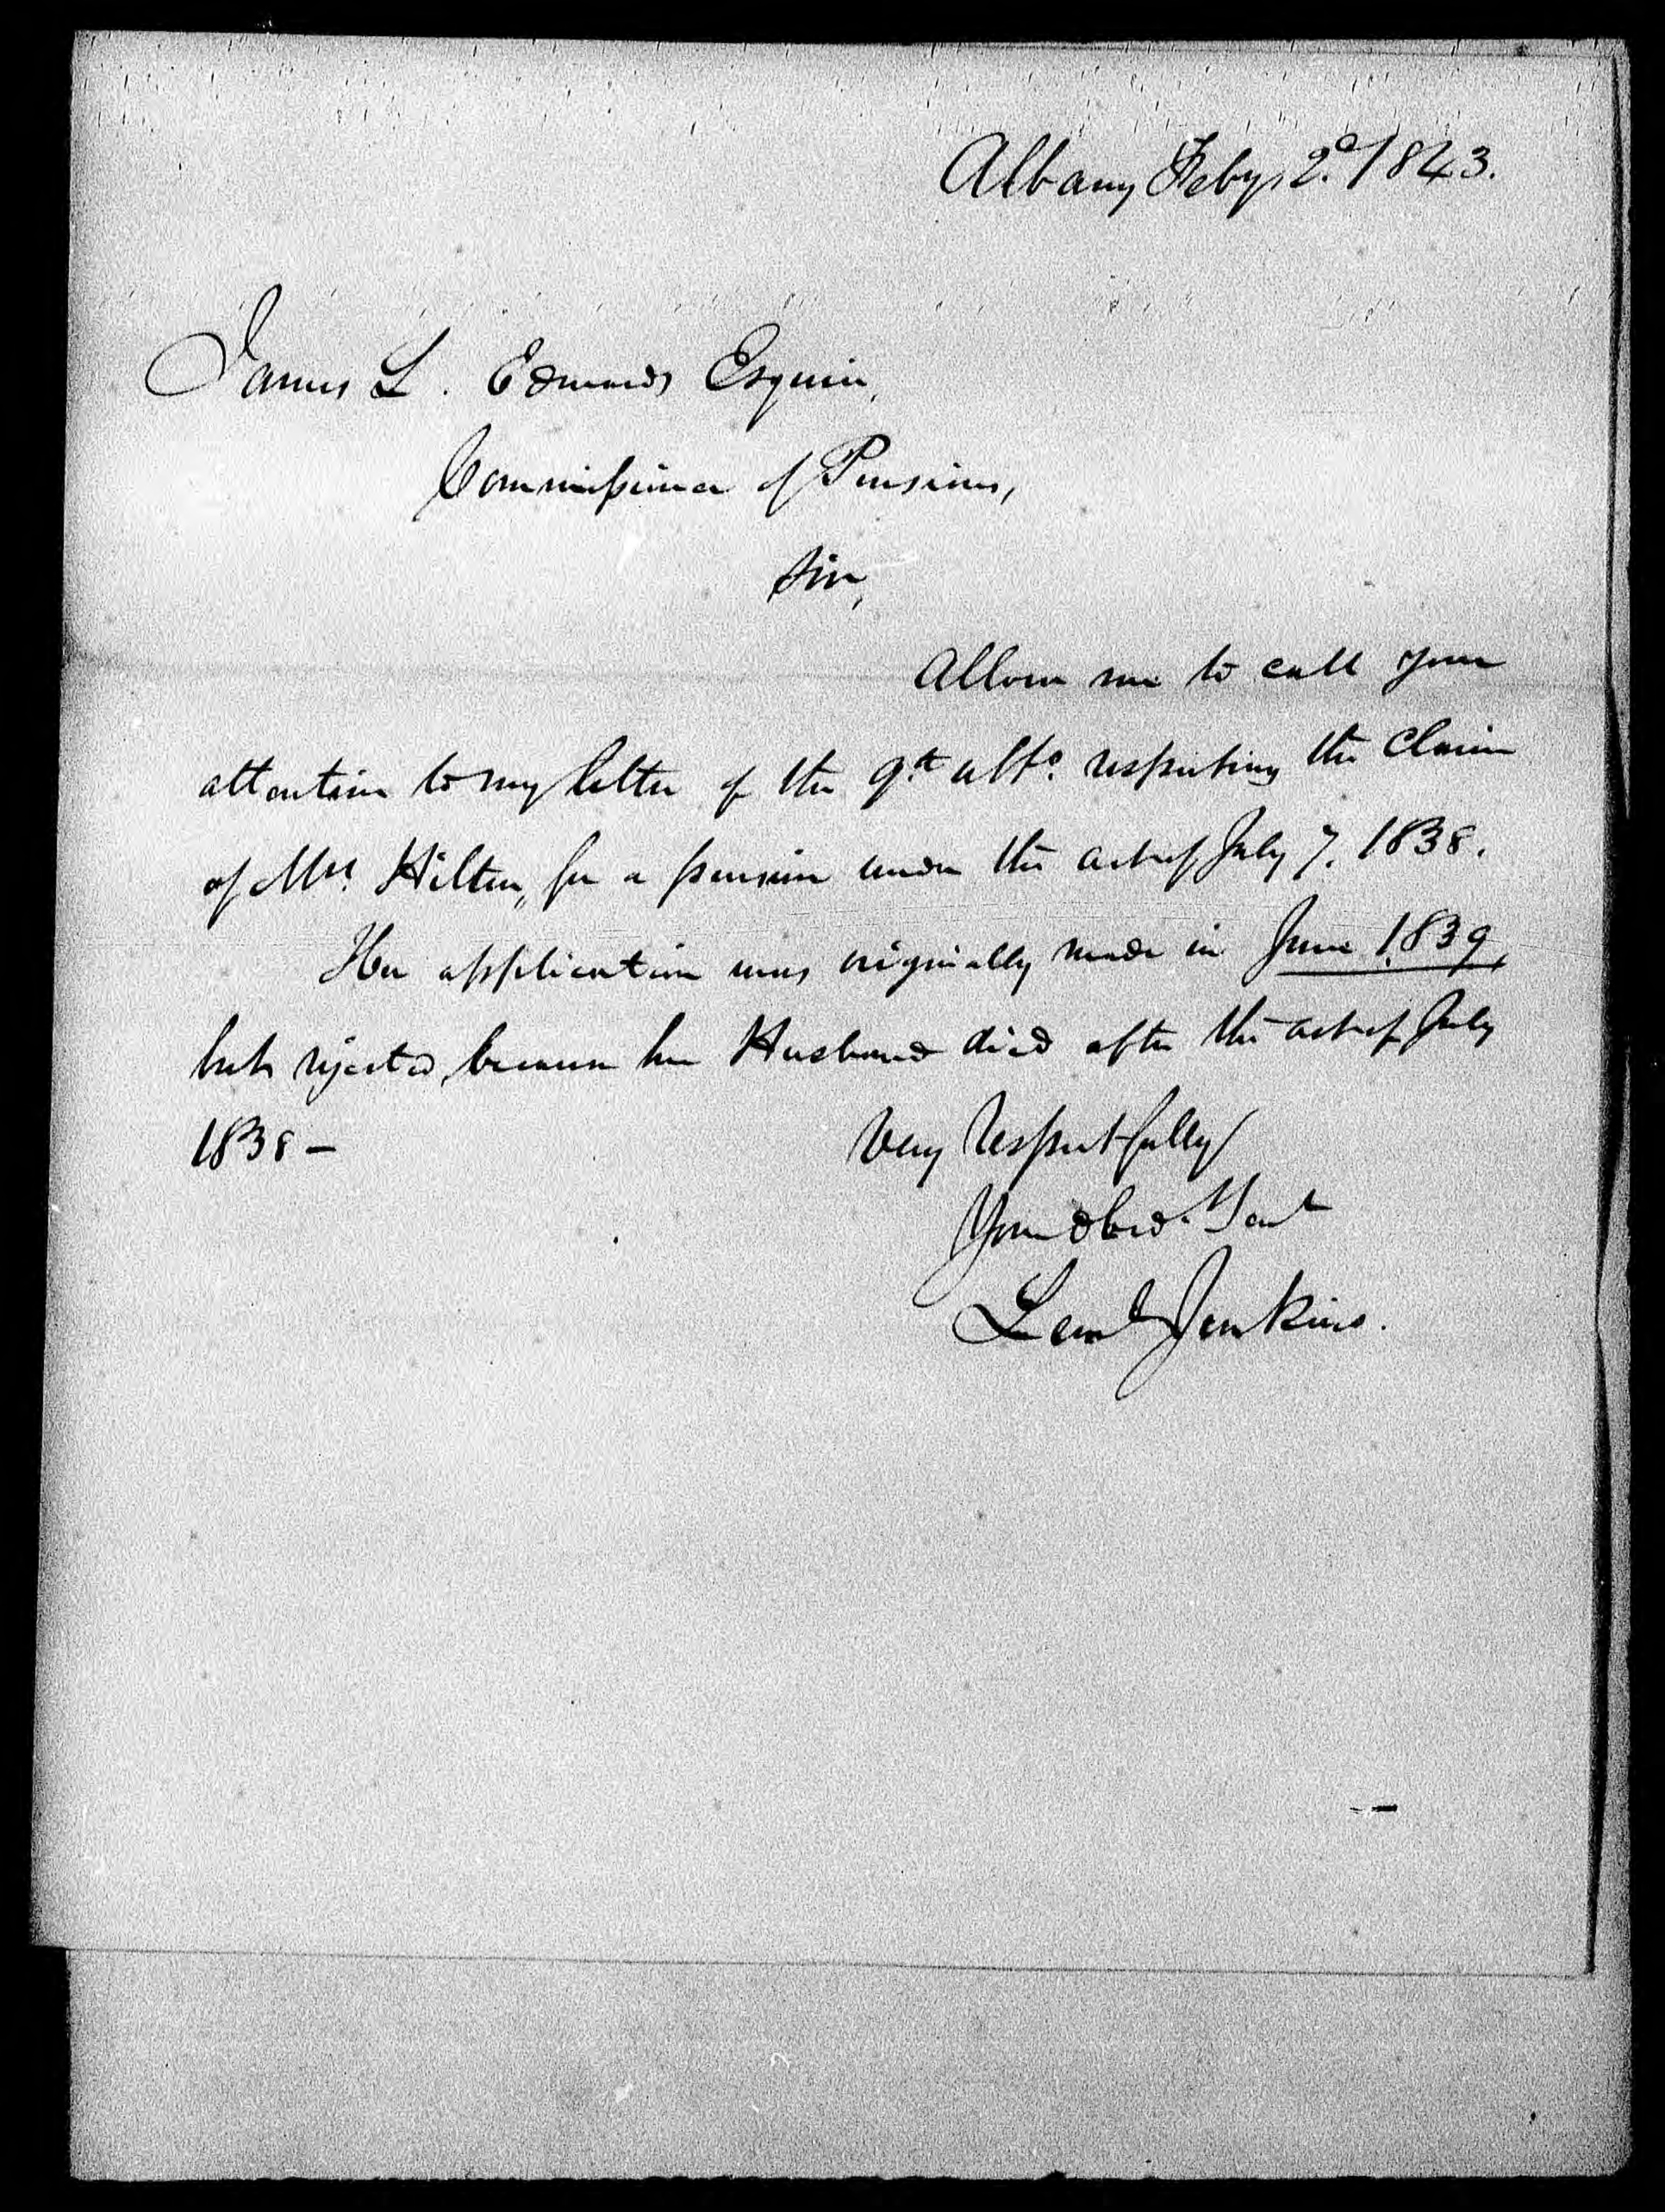Albany Feby 2. 1843

James L. Edwards Esquire
Commissioner of Pensions,

Sir,

Allow me to call your attention to my letter of the 9th [illegible] respecting the claim of Mrs. Hilton, for a pension under the act of July 7, 1838. 

Her application was originally made in June 1839, but rejected because her Husband died after the act of July 1838. 

Very Respectfully,
Your obo. Servant
Leml Jenkins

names: Hilton, James L Edwards, Leml Jenkins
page: 35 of 48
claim: widow's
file: W. 19788, Jacob W Hilton, New York